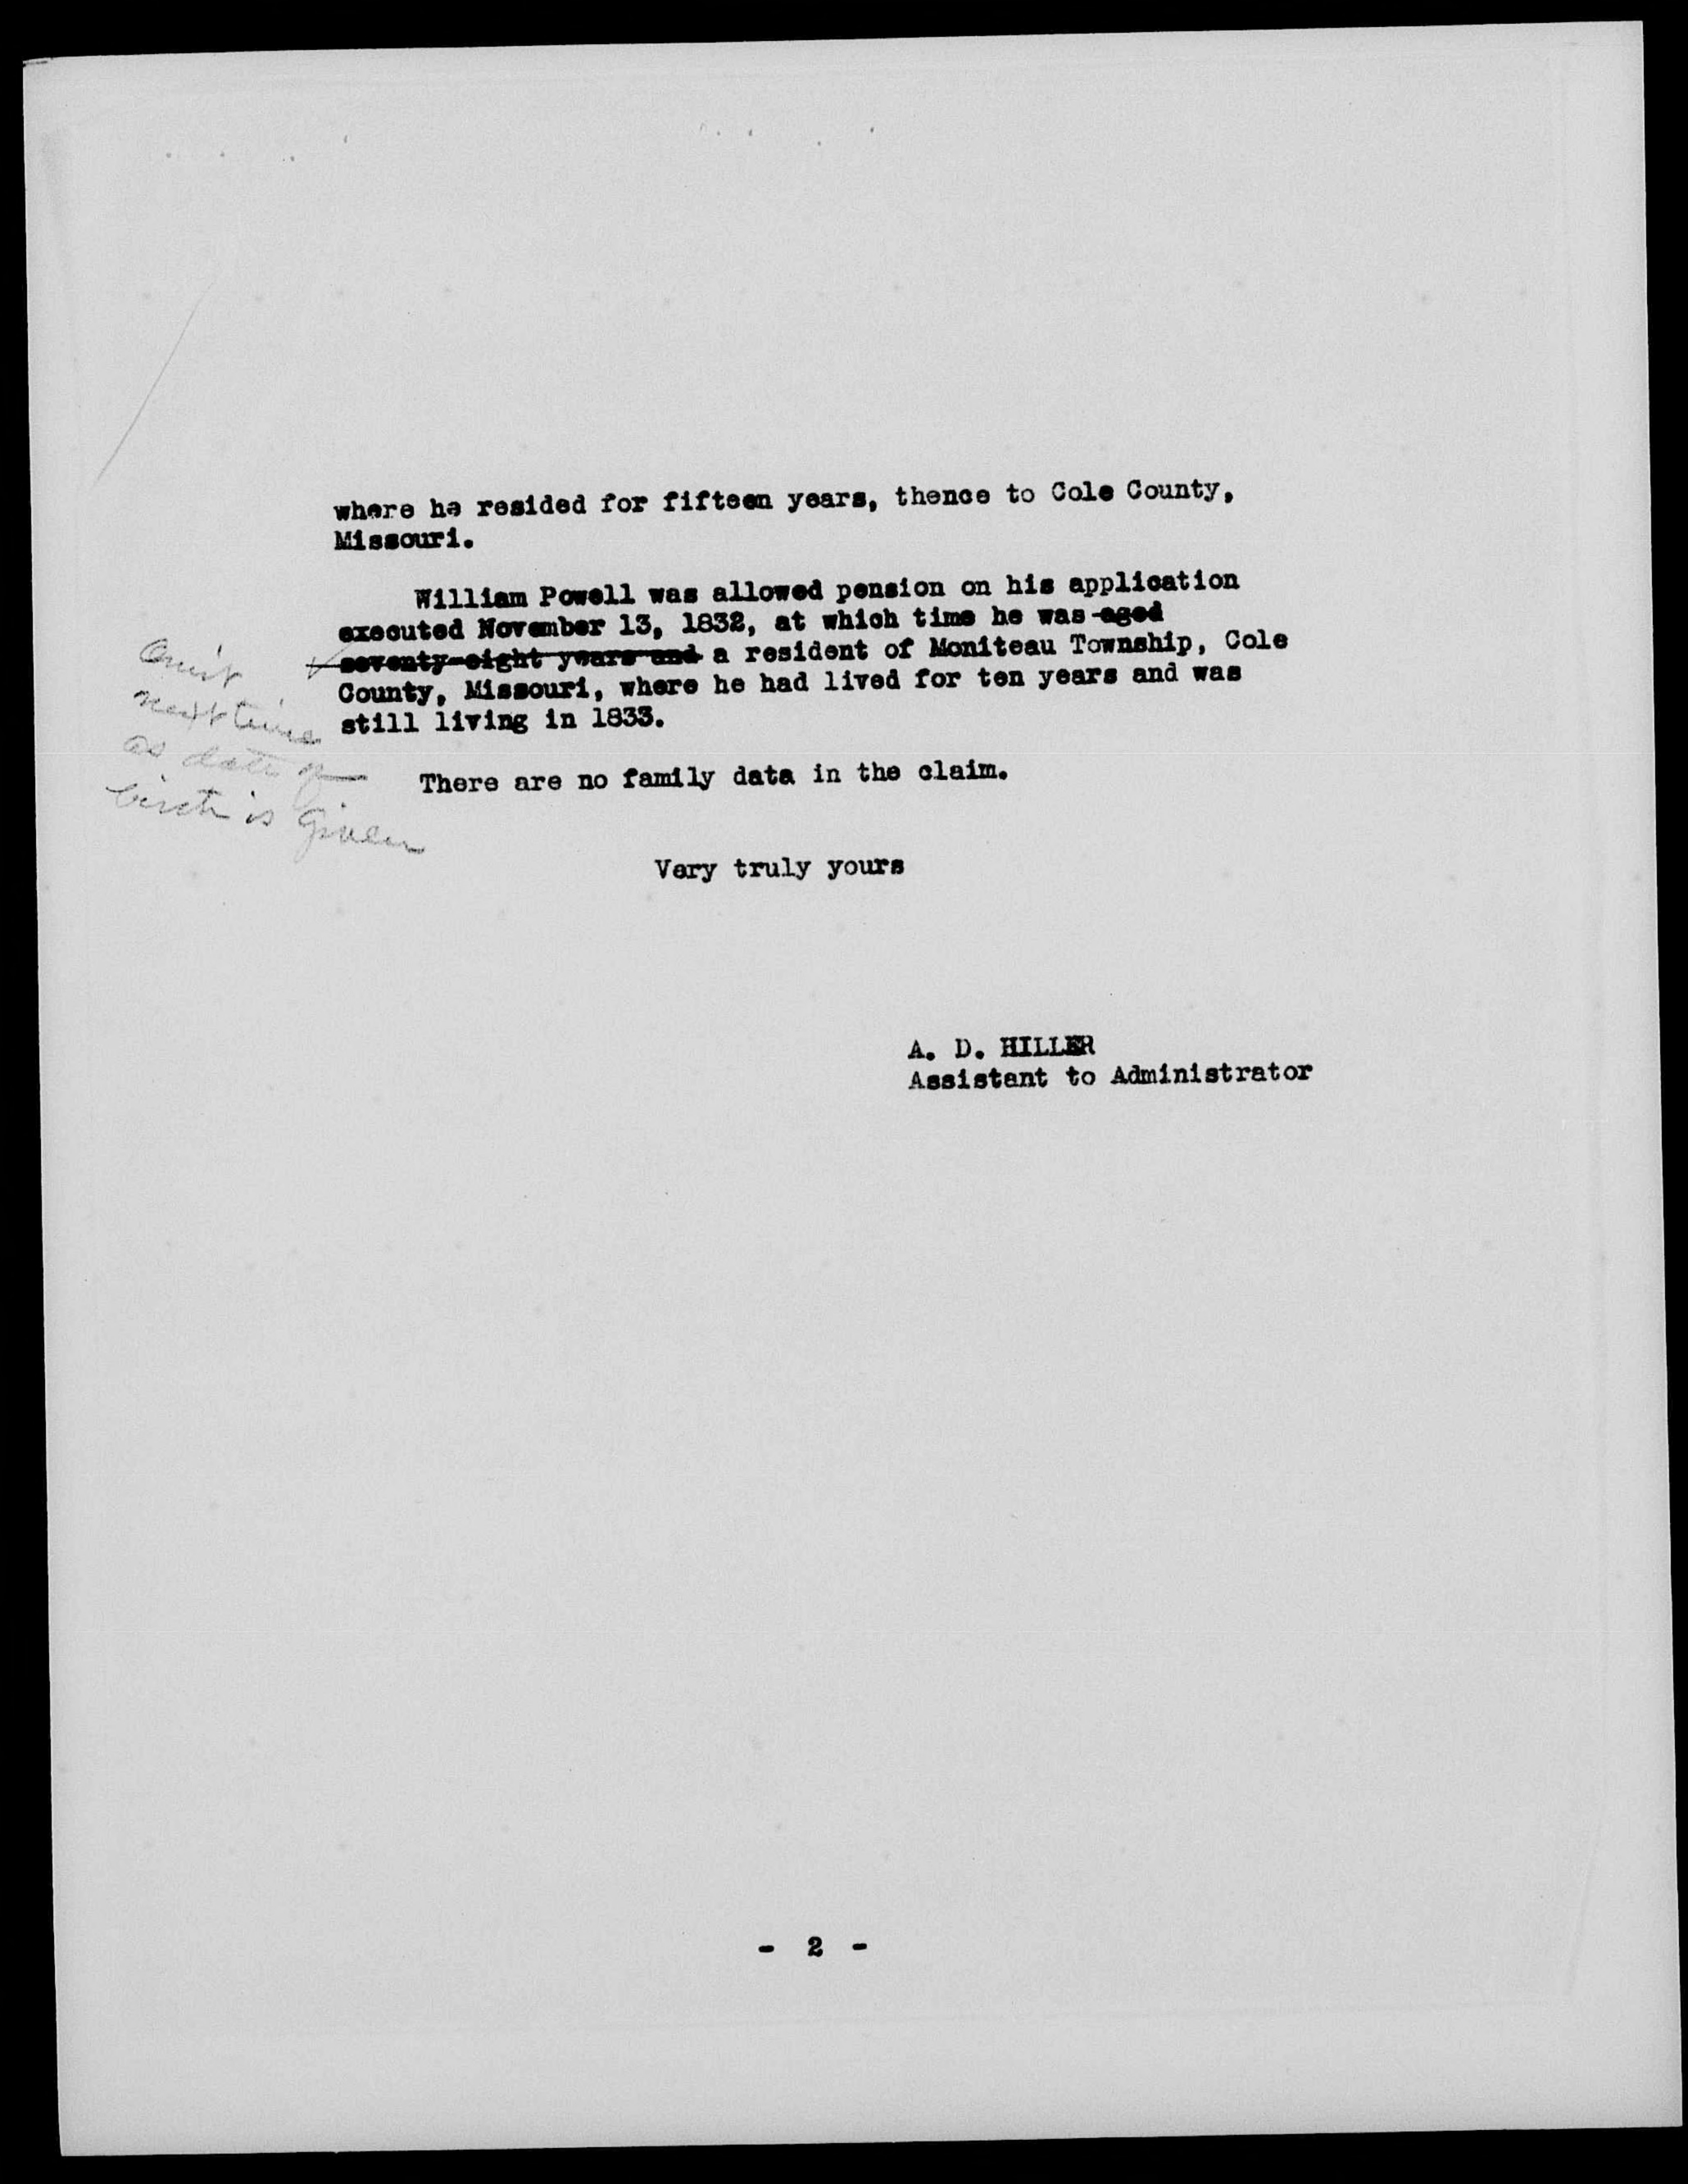where he resided for fifteen years, thence to Cole County, Missouri.

Will Powell was allowed pension on his application executed November 13, 1832, at which time he was a resident of Moniteau Township, Cole County, Missouri, where he had lived for ten years and was still living in 1838.

There are no family data in the claim.

Very truly yours

A. D. HILLER
Assistant to Administrator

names: A D Hiller; William Powell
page: 10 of 19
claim: survivor's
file: S. 17022, for William Powell, North Carolina